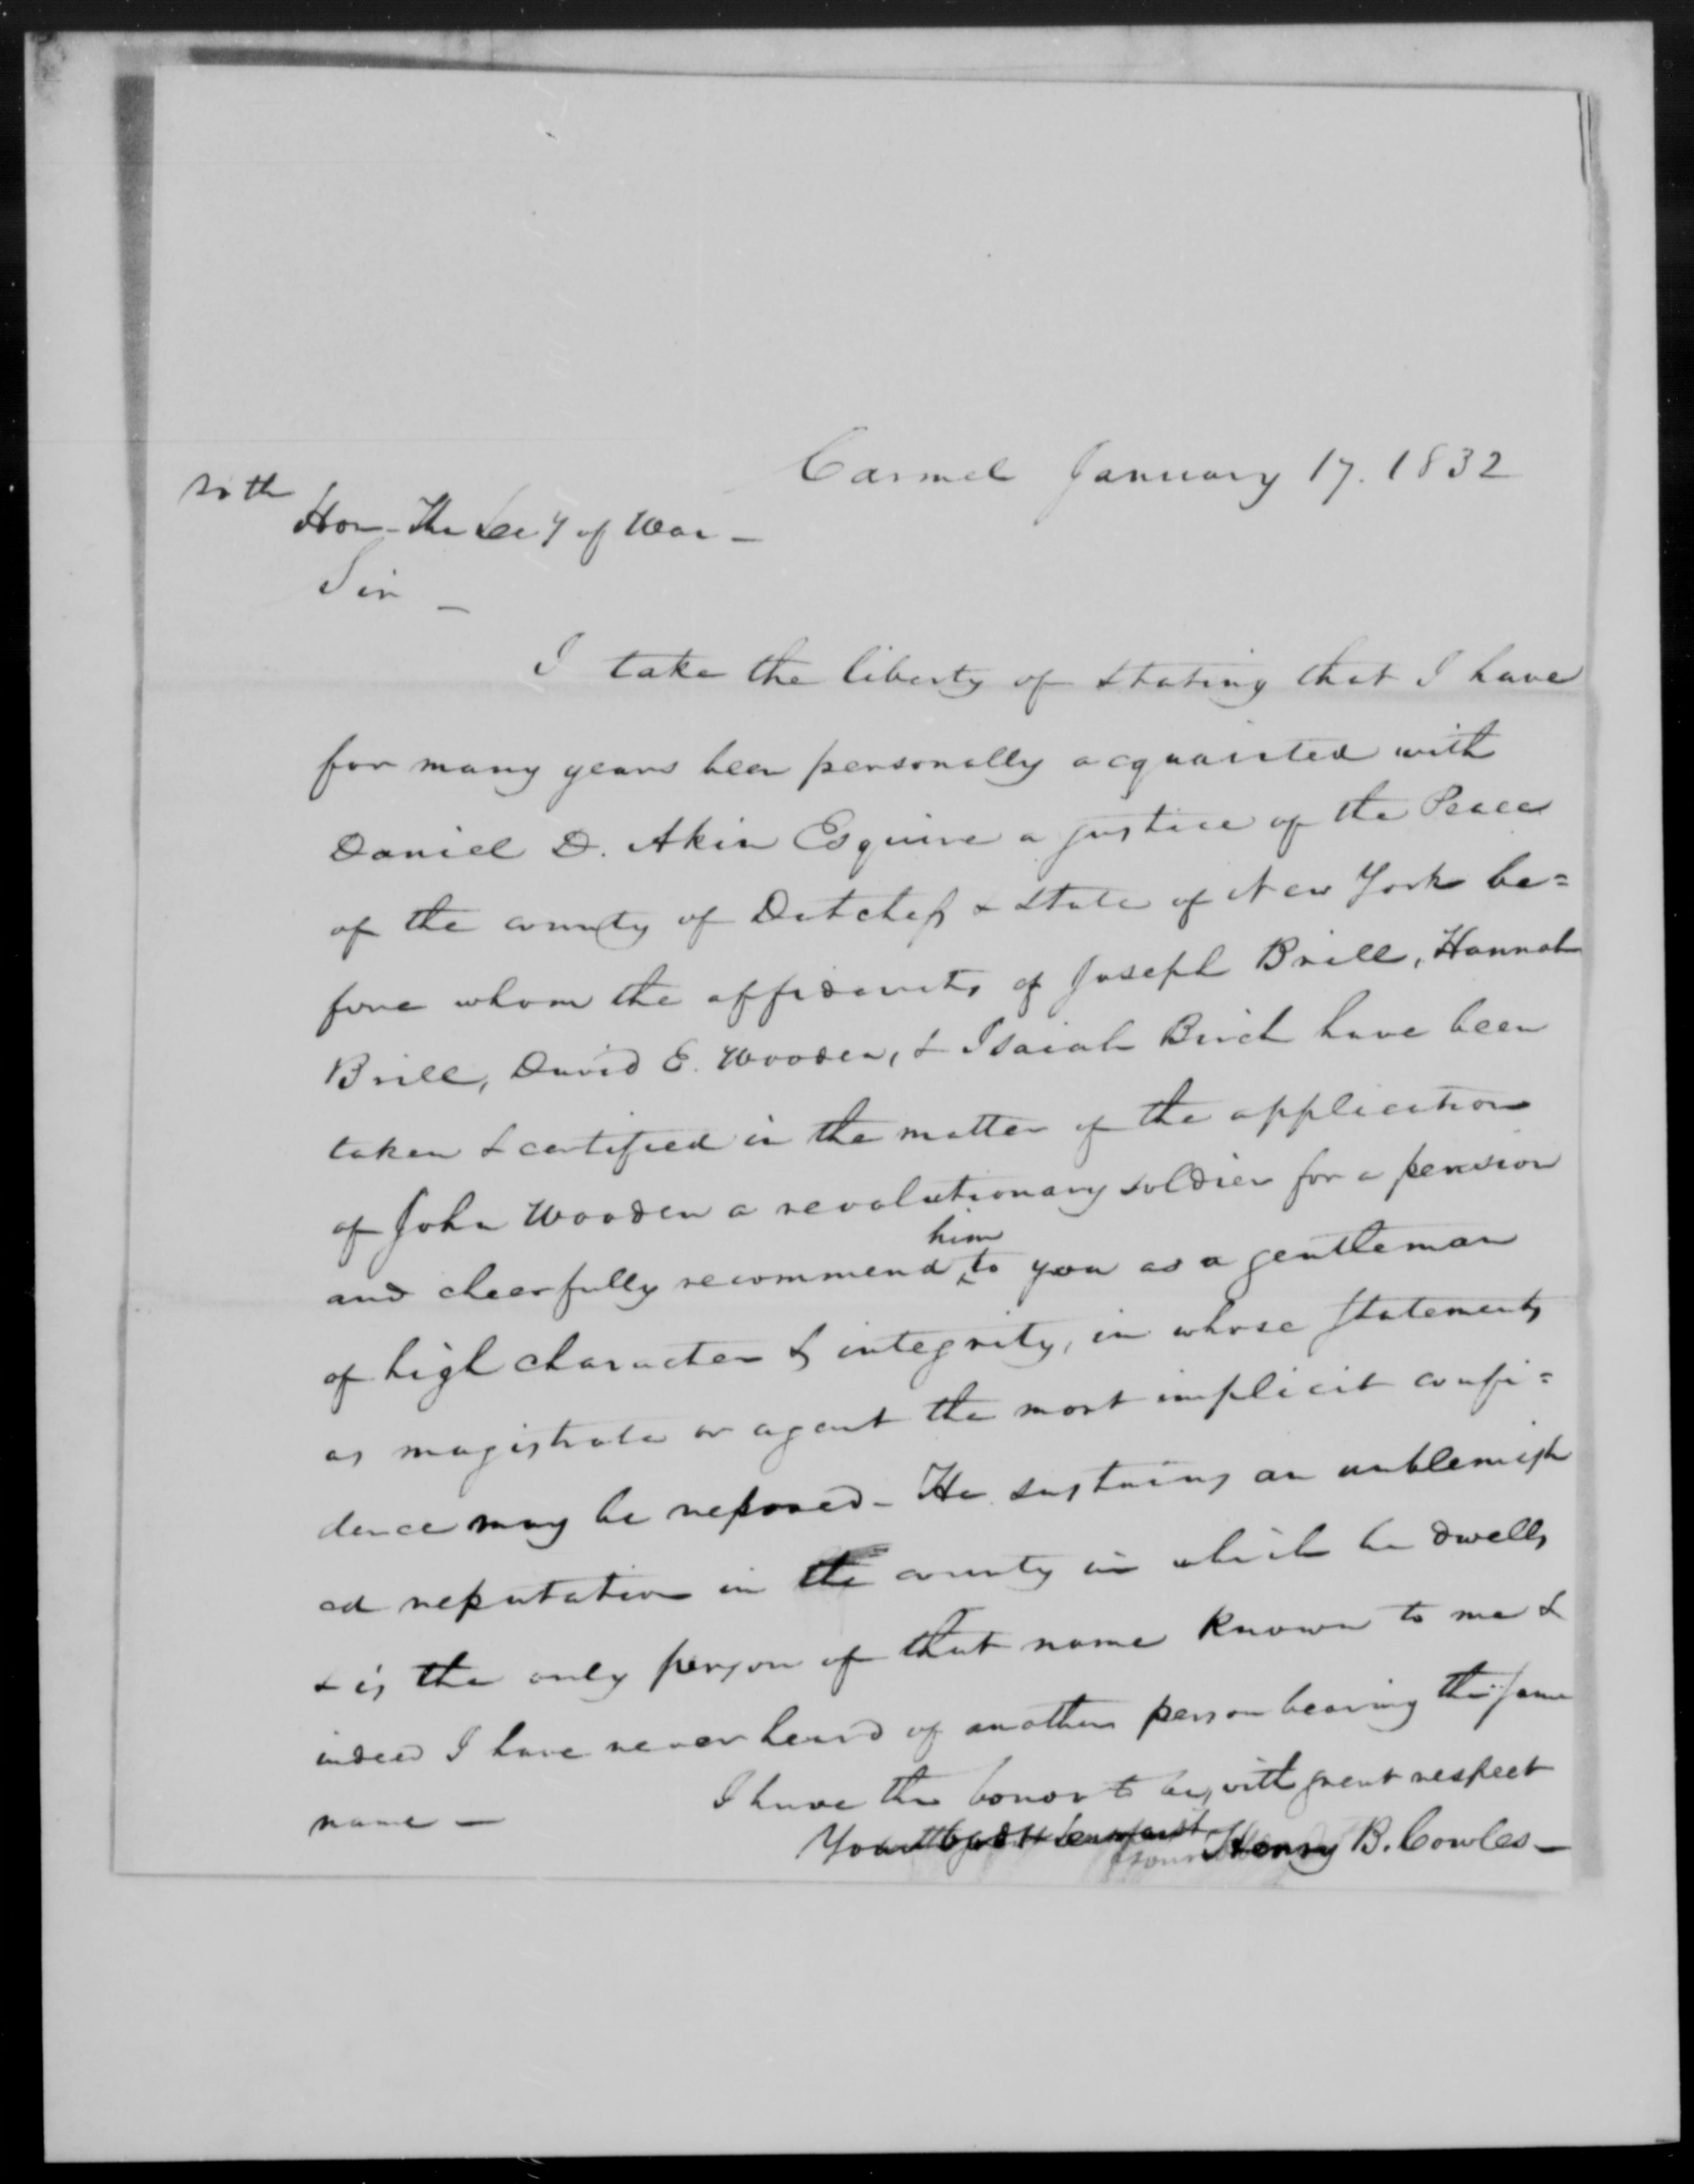Carmel January 17. 1832 
Hon. The Sec of War
Sir –
I take the liberty of stating that I have for many years been personally acquainted with Daniel D. Akin Esquire a Justice of the Peace of the County of Dutchess & State of New York before whom the affidavits of Joseph Brill, Hannah Brill, David E Woodin, & Isaiah Birch have been taken & certified in the matter of the application of John Woodin a revolutionary soldier for a pension and cheerfully recommend him to you as a gentleman of high character & integrity, in whose statements a magistrate or agent the most implicit confidence may be reposed. He sustains an unblemished reputation in the County in which he dwells & is the only person of that name known to me & indeed I have never heard of another person having the same name -
I have the honor to be, with great respect 
Your Obt Servant
Henry B. Cowles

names: Isaiah Brich, John Wooden, Henry B Cowles, Daniel D Akin, Hannah Brill, David E Wooden, Joseph Brill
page: 70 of 77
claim: widow's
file: W. 19658, John Woodin, New York